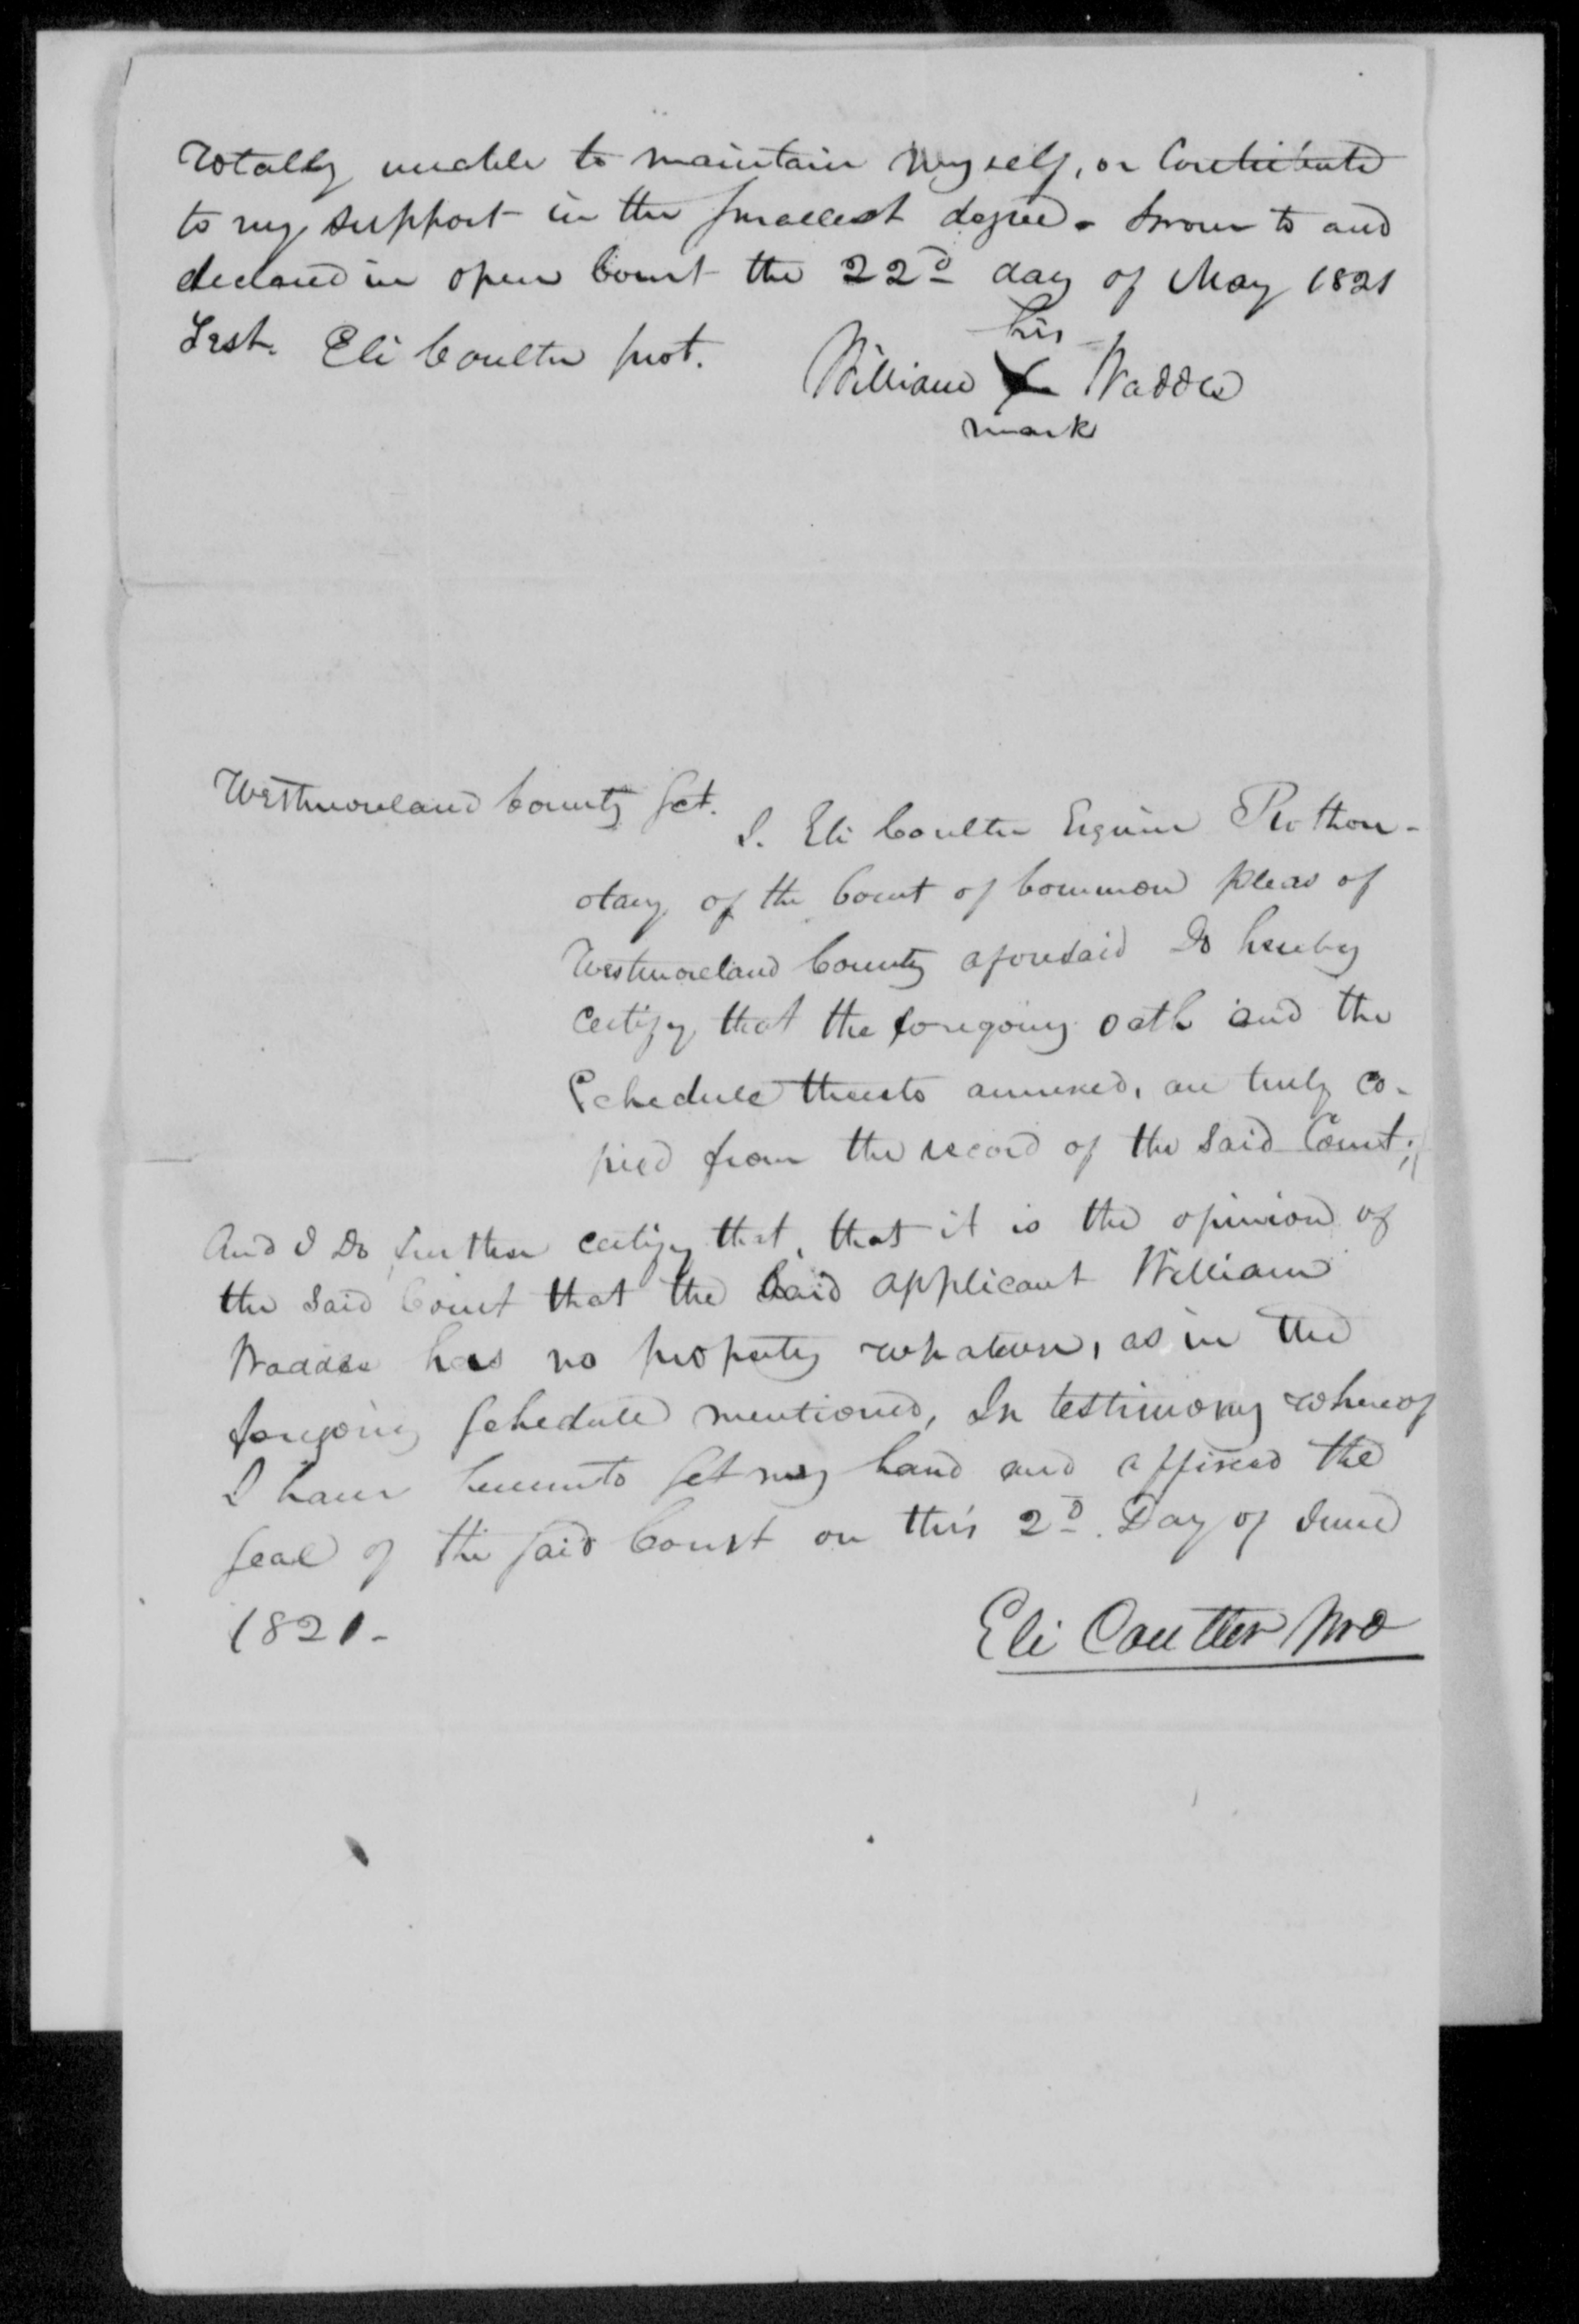totally unable to maintain myself, or contribute to my support in the fullest degree. Sworn to and declared in open Court the 22d day of May 1821
his 
William X Waddle
Mark
Test. Eli Coulter prot. [Prothonotary]

Westmoreland County Sct. 
I, Eli Coulter Esquire Prothonotary of the Court of Common pleas of Westmoreland County aforesaid Do hereby certify that the foregoing oath and the Schedule thereto annexed, are truly copied from the record of the said Court;
And I Do Further certify that, that it is the opinion of the said Court that the said applicant William Waddle has no property whatever, as in the foregoing Schedule mentioned, In testimony whereof I have hereunto set my hand and affixed the Seal of the said Court on this 2d day of June 1821 -
Eli CoulterPro [Prothonotary]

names: William Waddle, Eli Coulter, Eli Coulter, William Waddle, Eli Coulter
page: 5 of 42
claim: survivor's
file: S. 40645, William Waddle, Penn.